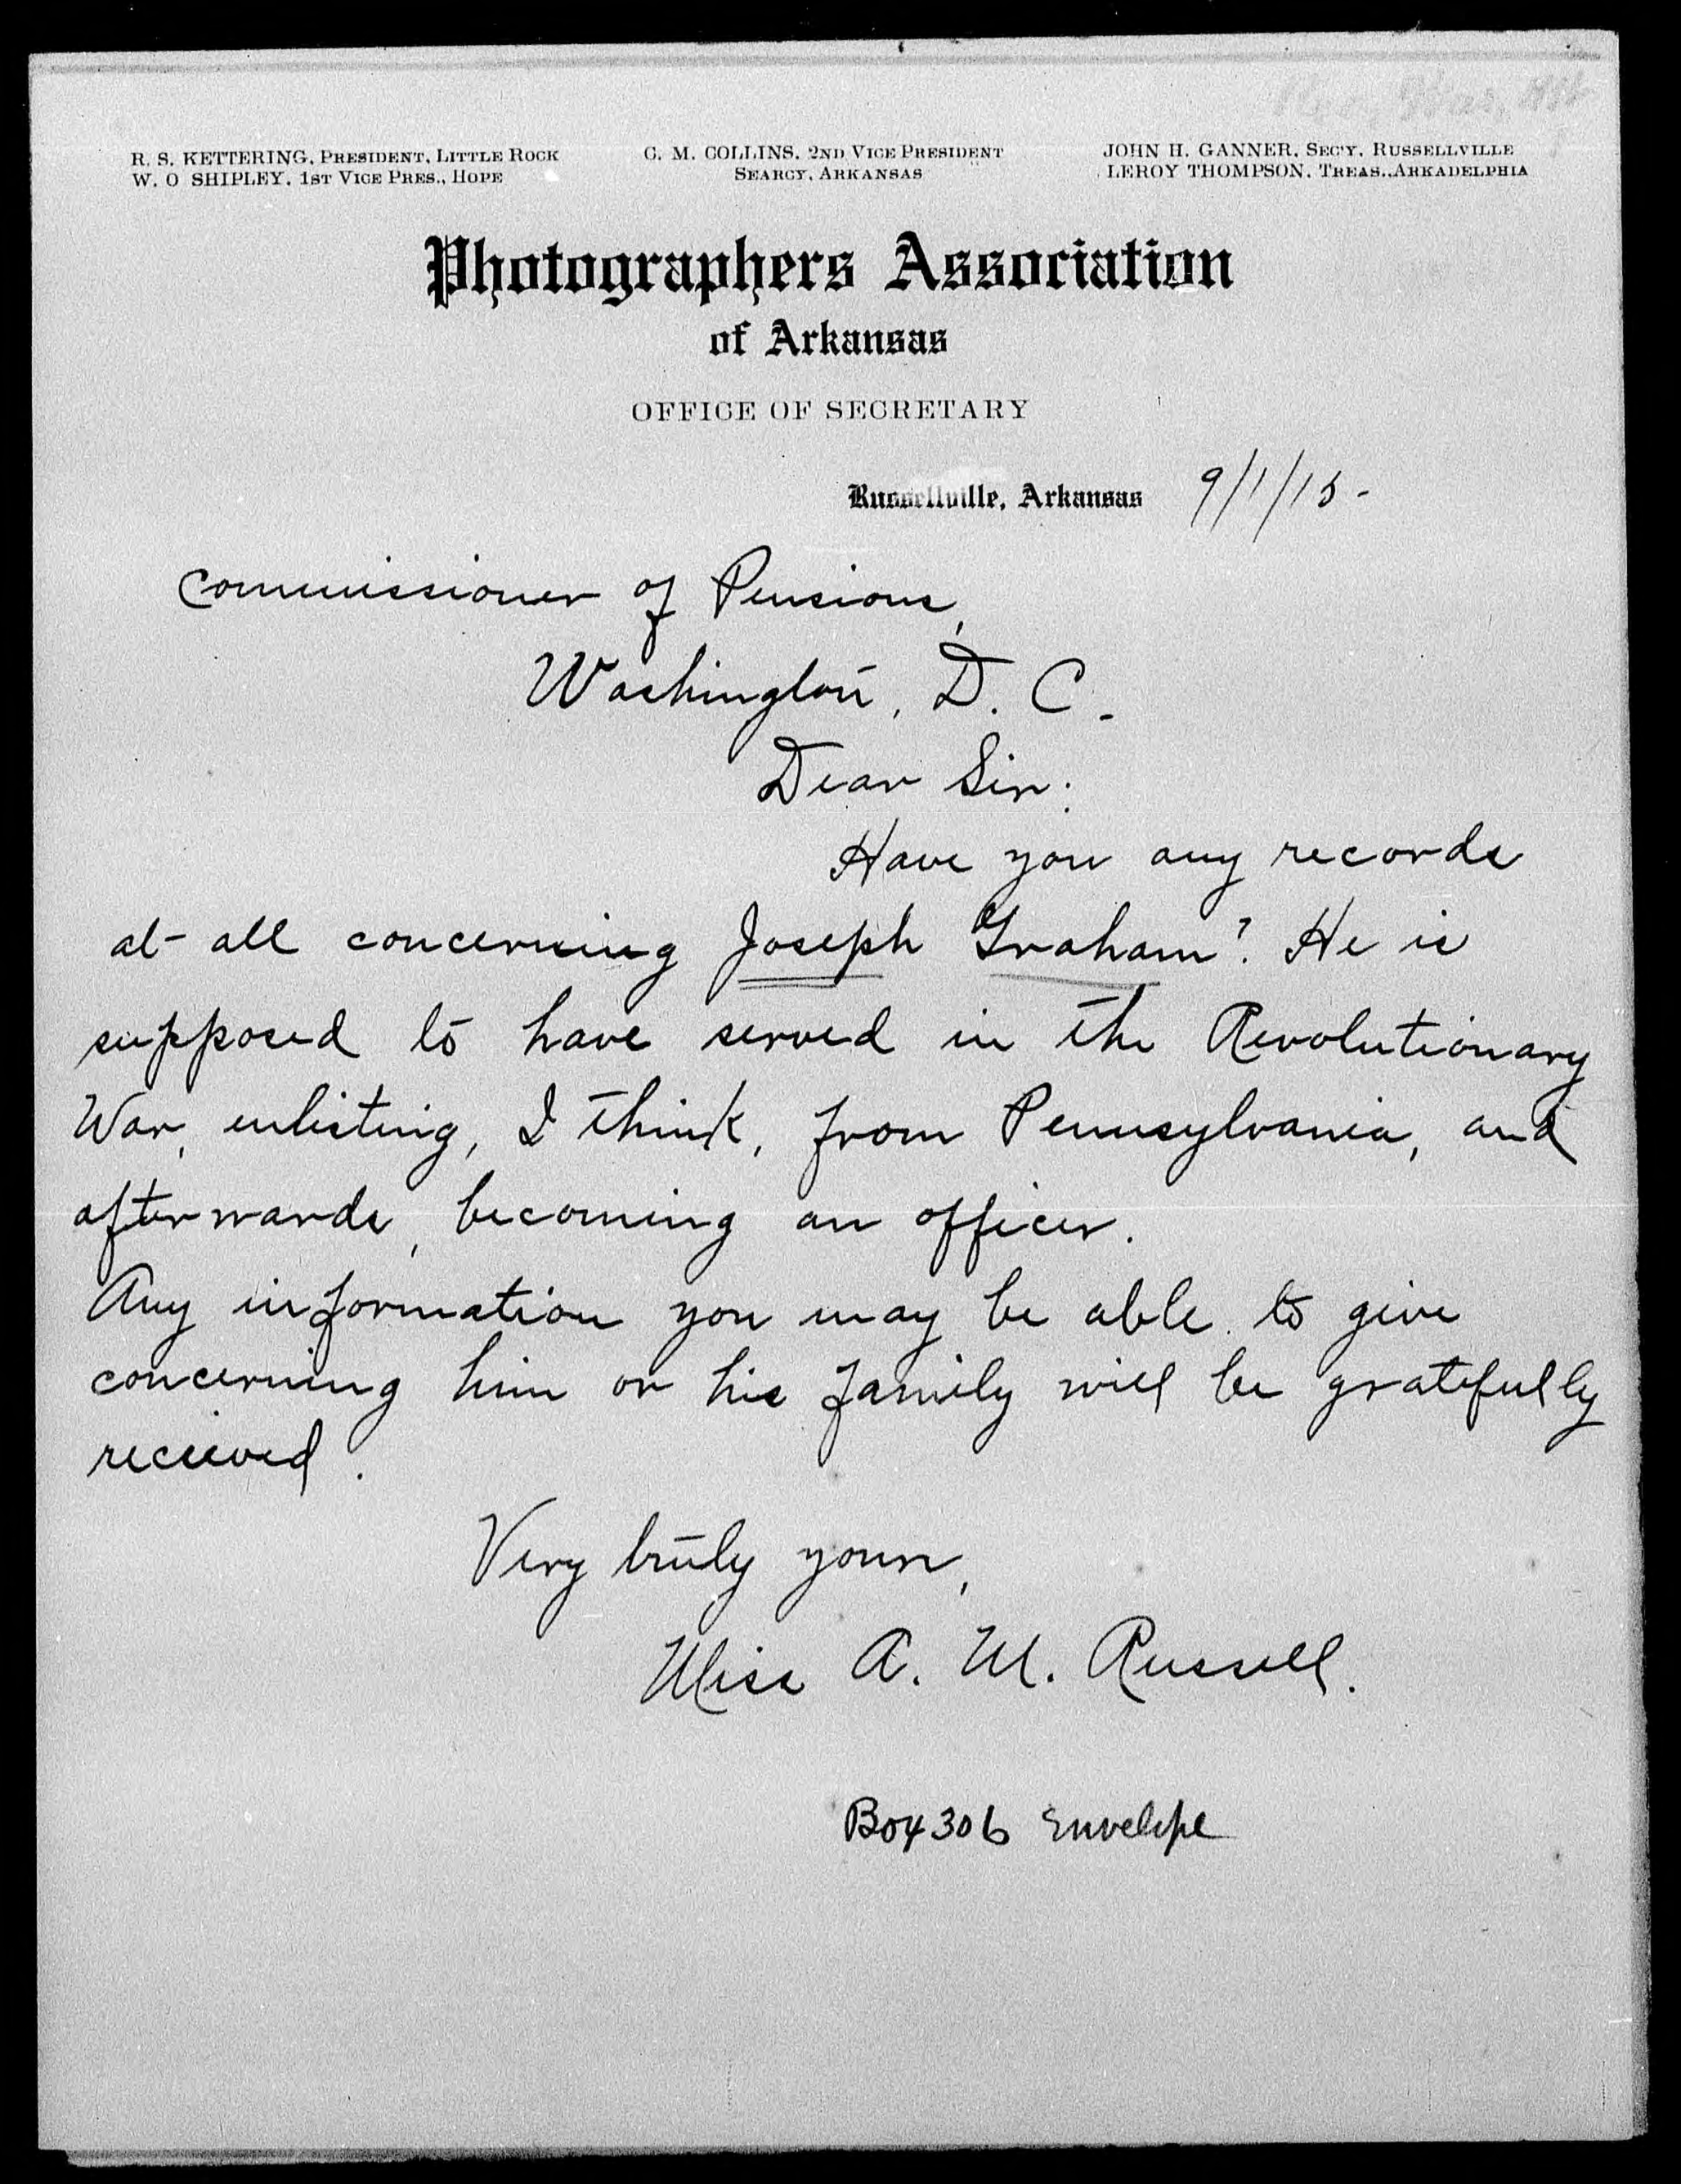R.S KETTERING. PRESIDENT, LITTLE ROCK
W.O. SHIPLEY. 1ST VICE PRES. , HOPE

C.M. COLLINS. 2ND VICE PRESIDENT
SEARCY, ARKANSAS.

JOHN H. GANNER. SECÝ RUSSELLVILLE
LEROY THOMPSON. TREAS.. ARKADELPHIA

Photographers Association of Arkansas
OFFICE OF SECRETARY
Russellville, Arkansas
9/1/15

Commissioner of Pensions
Washington, D. C. 

Dear Sir:

Have you any records at all concerning Joseph  Graham? He is supposed to have served in the Revolutionary War, enlisting, I think from Pennsylvania, and afterwards, becoming an officer. Any information you may be able to give concerning him on his family will be gratefully received.

Very truly yours
Miss A. M. Russell
[Signature]
Box 306 Envelope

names: C M Collins, R S Kettering, A M Russell, W O Shipley, Leroy Thompson, Joseph Graham, John H Ganner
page: 29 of 55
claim: survivor's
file: S. 6,937, Joseph Graham, N.C.